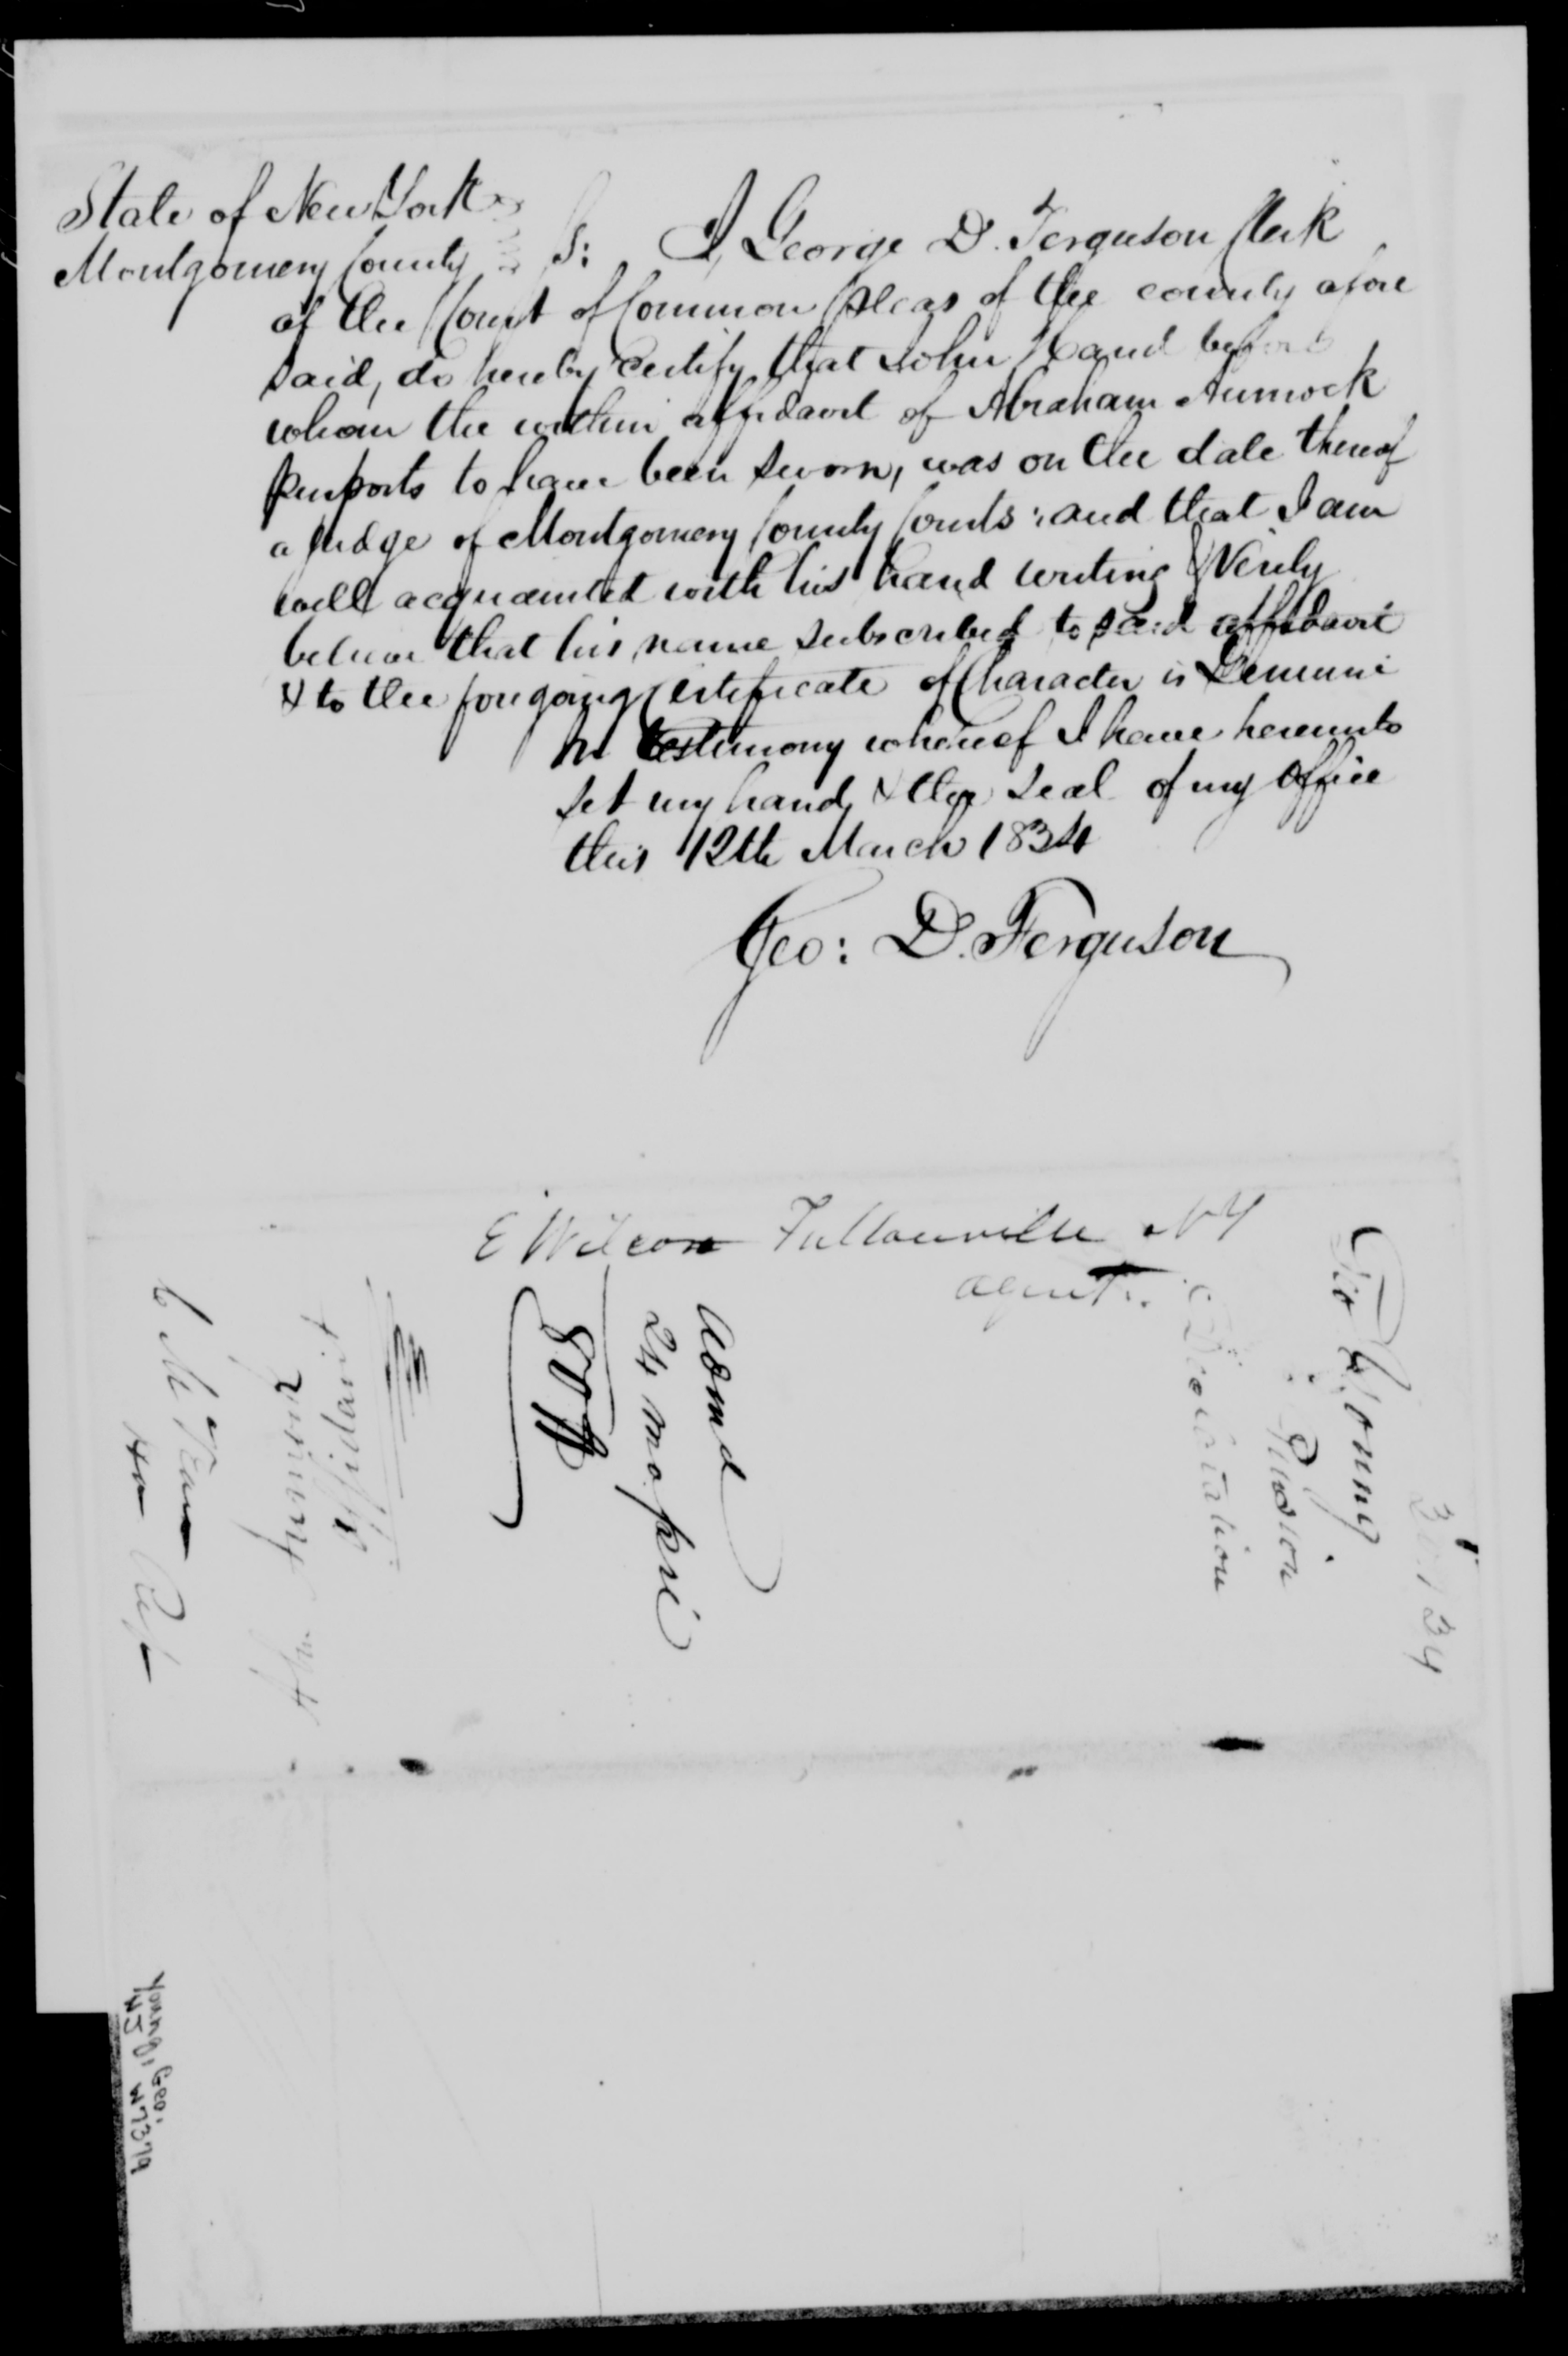State of New York
Montgomery county
:
New York
very County is
of George D. Ferguson Clerk
of the Court of Common Pleas of the County afore
said, do hereby certify that John Hand at
whom the within affidavit of Abraham Aumock
purports to have been sworn, was on the date thereof
a Judge of Montgomery County Courts and that I am
hold acquainted with his hand writing & Verily
believe that his name subscribed to said affidavit
to the foregoing certificate of character is Genuine
in testimony whereof I have hereunto
set my hand & the seal of my office
this 12th March 1834
Geo: D. Ferguson
E Wilson Fultonville NY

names: Abraham Aumock, Geo Young, E Wilcox, John Hand, C M Jean, George D Ferguson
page: 7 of 67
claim: widow's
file: W. 7379, George Young, New Jersey